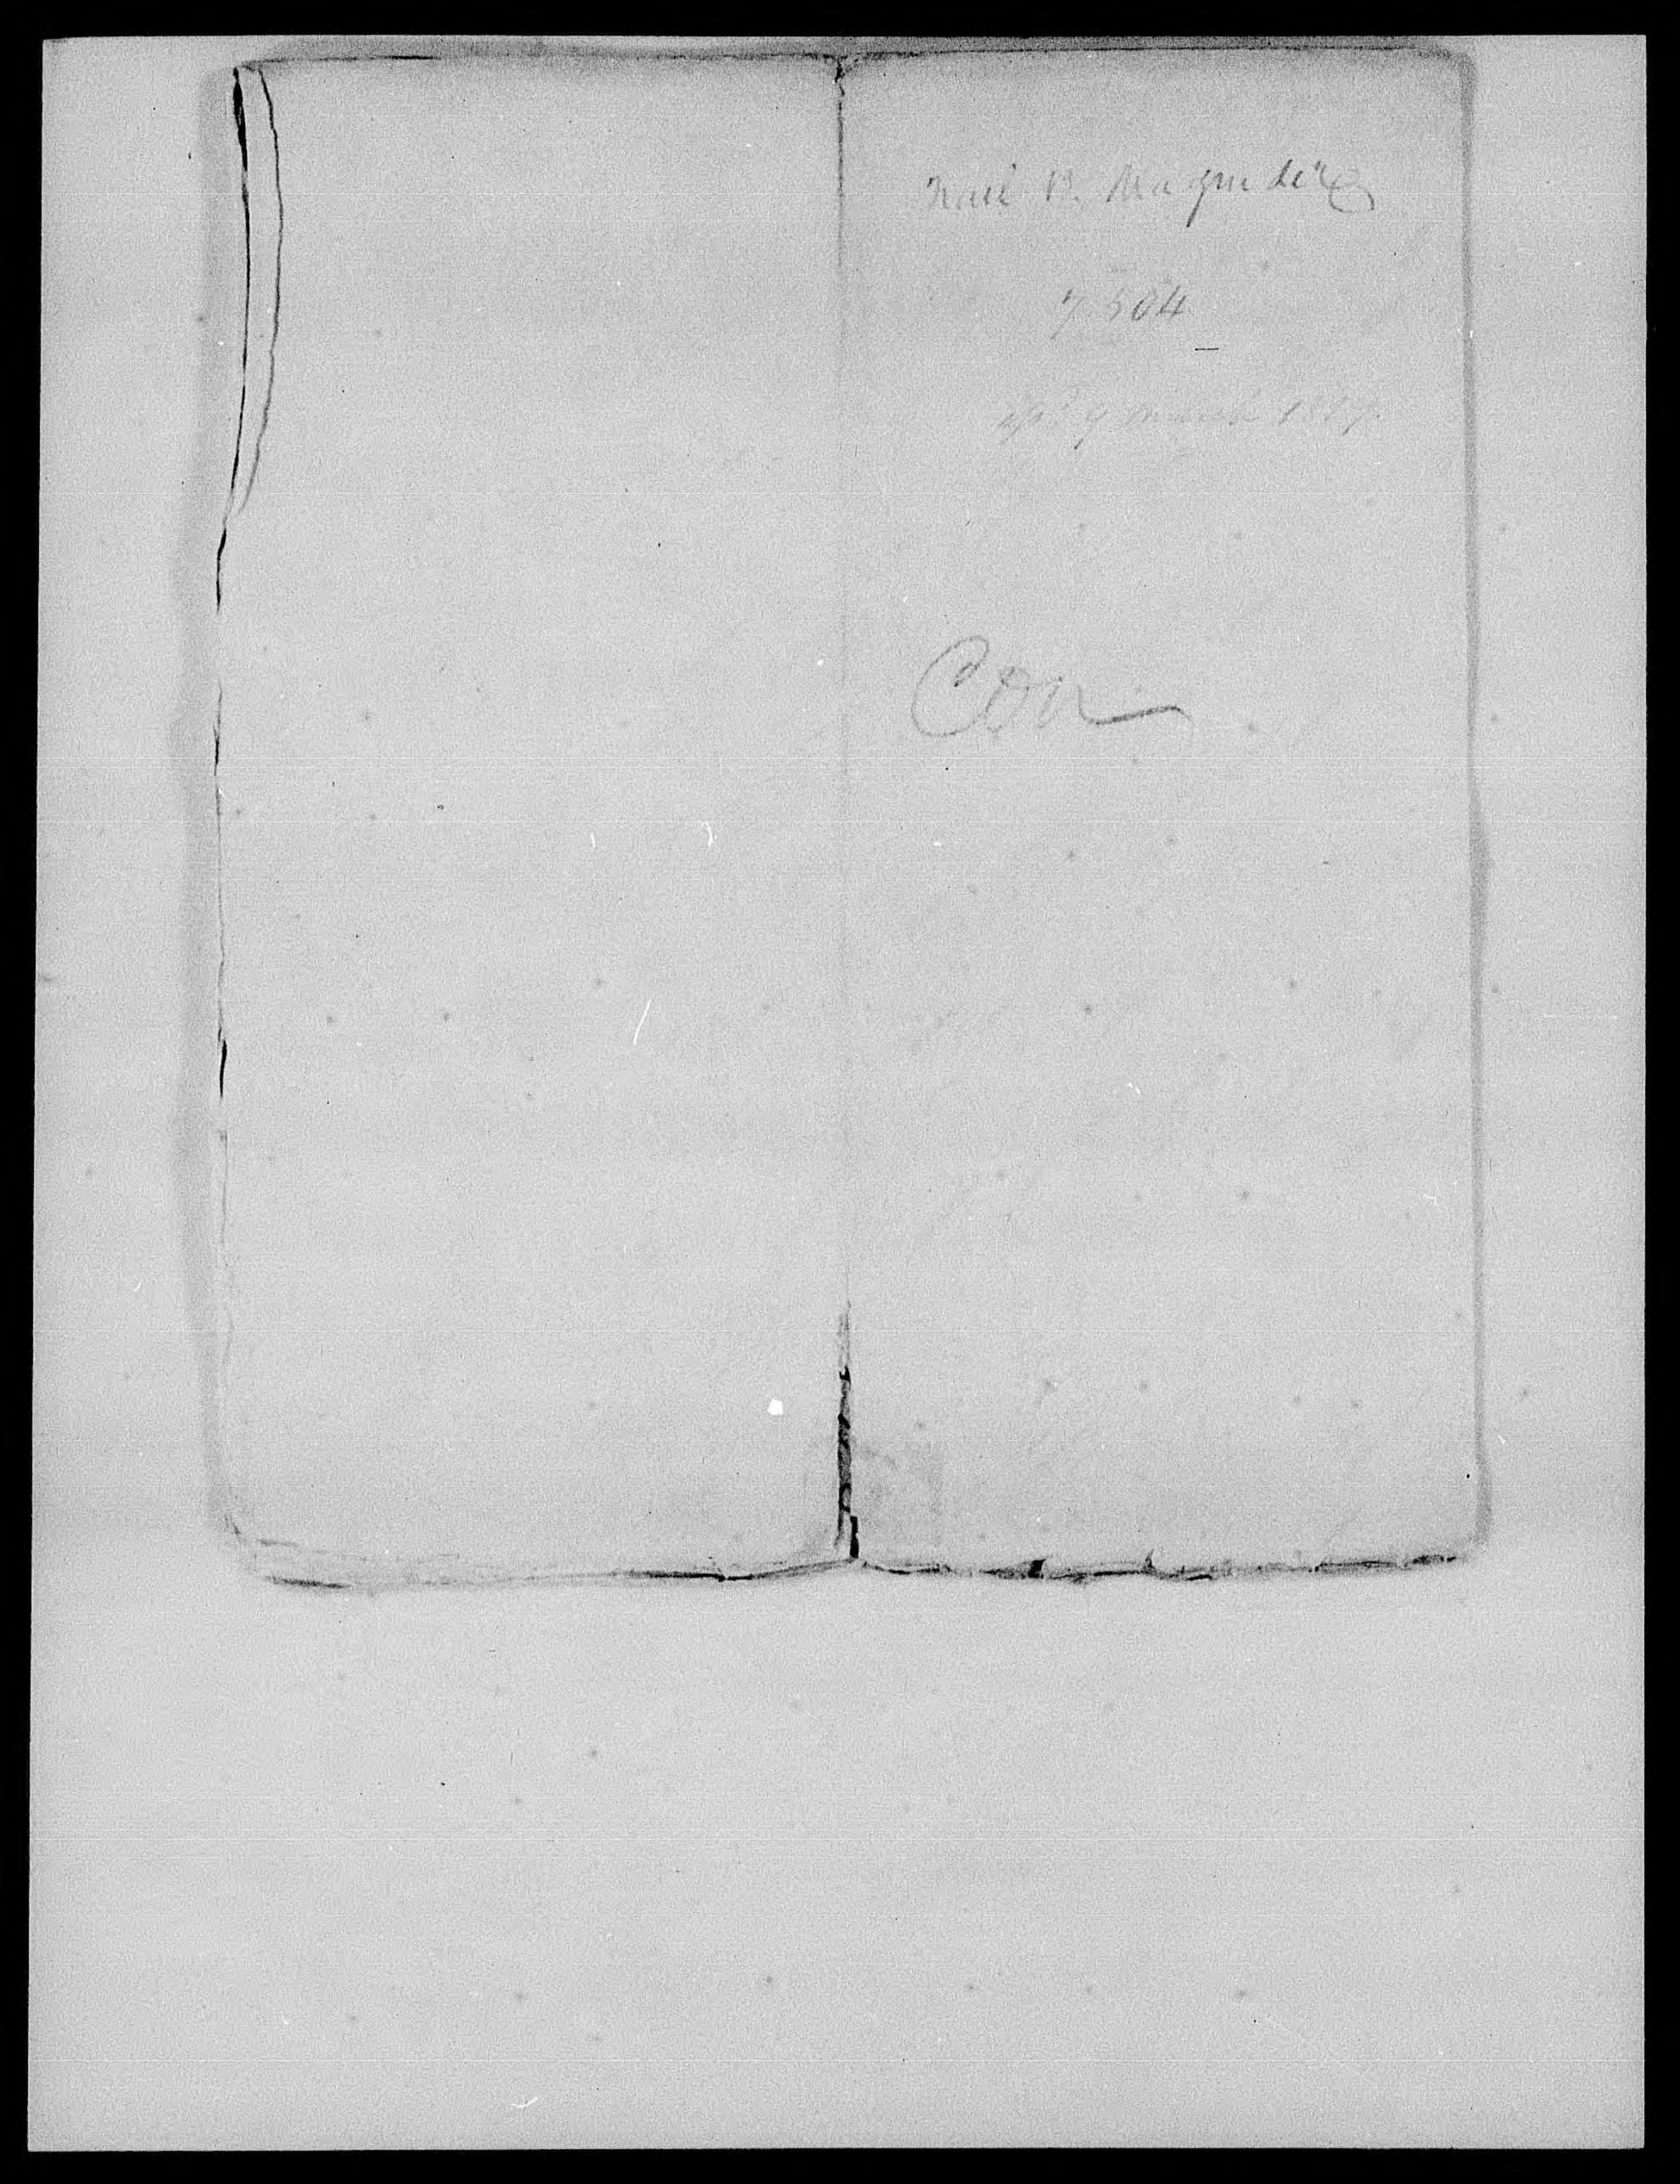Nath. B Magruder
7504

9 March 1819

Con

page: 7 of 13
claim: survivor's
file: S. 34973, for Nathaniel Beale Magruder, Maryland